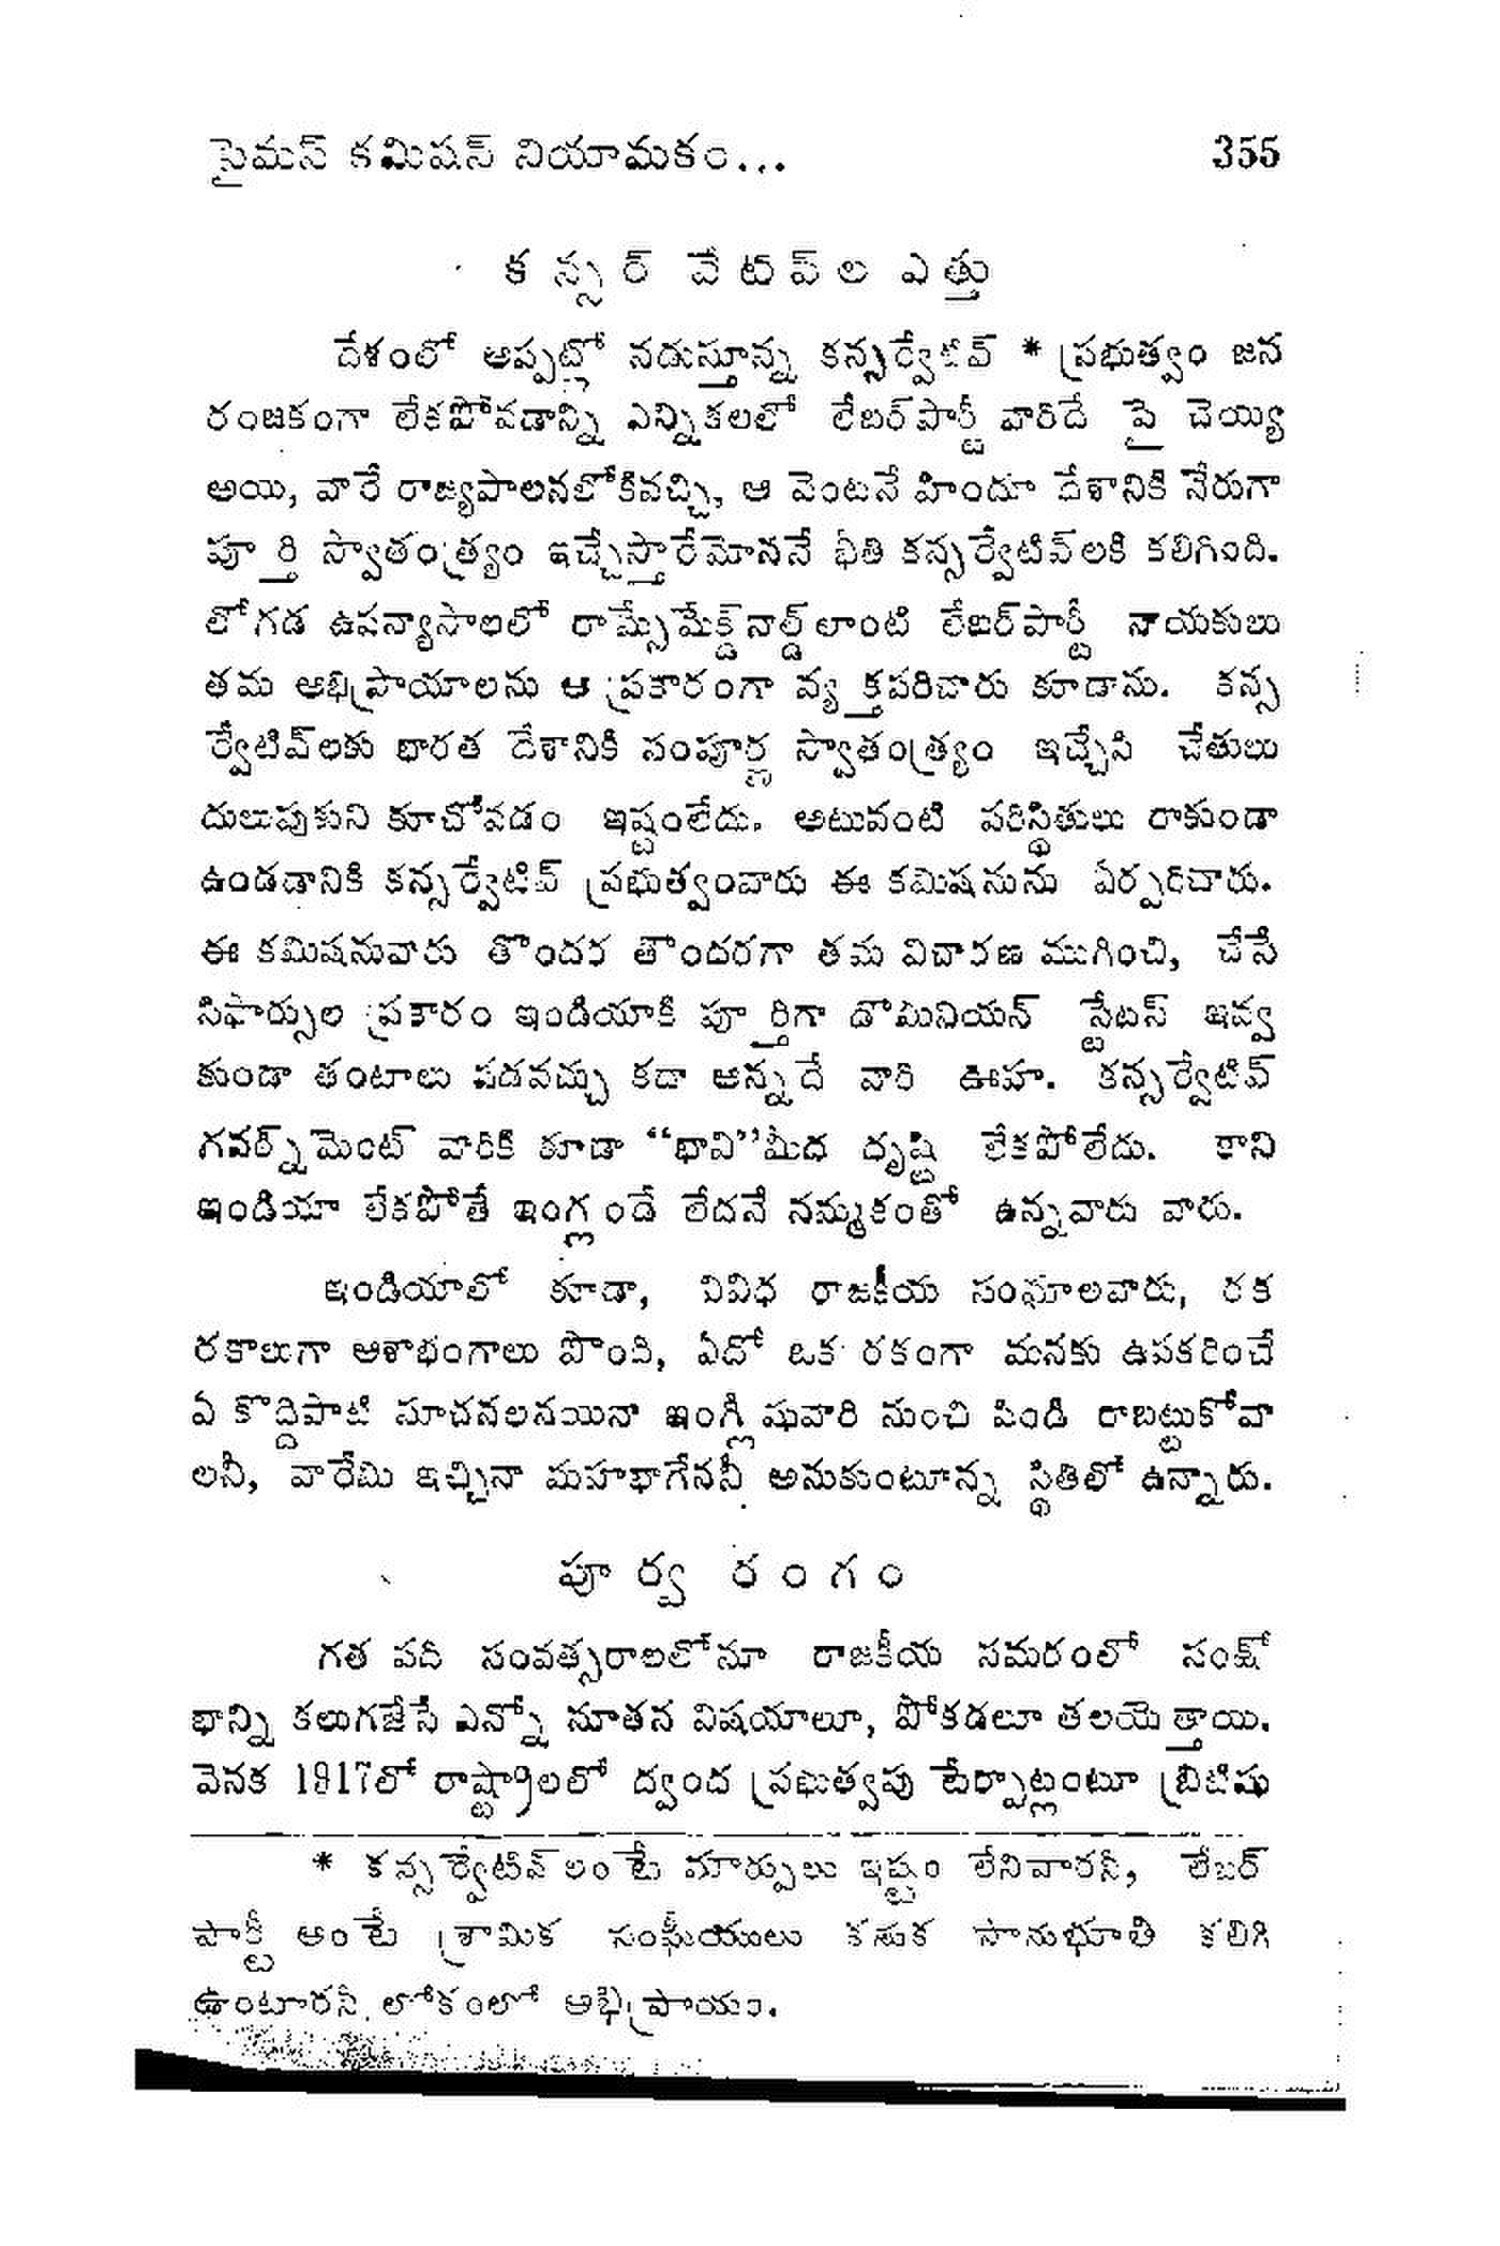దేశంలో అప్పట్లో నడుస్తూన్న కన్సర్వేటివ్ ప్రభుత్వం జనరంజకంగా లేకపోవడాన్ని ఎన్నికలలో లేబర్ పార్టీ వారిదే పై చెయ్యి అయి, వారే రాజ్యపాలనలోకి వచ్చి, ఆ వెంటనే హిందూ దేశానికి నేరుగా పూర్తి స్వాతంత్ర్యం ఇచ్చేస్తారేమోననే భీతి కన్సర్వేటివ్‌లకి కలిగింది. లోగడ ఉపన్యాసాలలో రామ్సేమేక్డ్‌నాల్డ్ లాంటి లేబర్‌పార్టీ నాయకులు తమ అభిప్రాయాలను ఆ ప్రకారంగా వ్యక్తపరిచారు కూడాను. కన్సర్వేటివ్‌లకు భారత దేశానికి సంపూర్ణ స్వాతంత్ర్యం ఇచ్చేసి చేతులు దులుపుకుని కూచోవడం ఇష్టం లేదు. అటువంటి పరిస్థితులు రాకుండా ఉండడానికి కన్సర్వేటివ్ ప్రభుత్వంవారు ఈ కమిషనును ఏర్పరిచారు. ఈ కమిషనువారు తొందర తొందరగా తమ విచారణ ముగించి, చేసే సిఫార్సుల ప్రకారం ఇండియాకి పూర్తిగా డొమినియన్ స్టేటస్ ఇవ్వకుండా తంటాలు పడవచ్చు కదా అన్నదే వారి ఊహ. కన్సర్వేటివ్ గవర్నమెంట్ వారికి కూడా "భావి" మీద దృష్టి లేకపోలేదు. కాని ఇండియా లేకపోతే ఇంగ్లండే లేదనే నమ్మకంతో ఉన్నవారు వారు.

ఇండియాలో కూడా, వివిధ రాజకీయ సంఘాలవారు, రకరకాలుగా ఆశాభంగాలు పొంది, ఏదో ఒక రకంగా మనకు ఉపకరించే ఏ కొద్దపాటి సూచనలయినా ఇంగ్లీషువారి నుంచి పిండి రాబట్టుకోవాలనీ, వారేమి ఇచ్చినా మహభాగేననీ అనుకుంటూన్న స్థితిలో ఉన్నారు.

గత పది సంవత్సరాలలోనూ రాజకీయ సమరంలో సంక్షోభాన్ని కలుగజేసే ఎన్నో నూతన విషయాలూ, పోకడలూ తలయెత్తాయి. వెనక 1917 లో రాష్ట్రాలలో ద్వంద ప్రభుత్వపు టేర్పాట్లంటూ బ్రటిషు